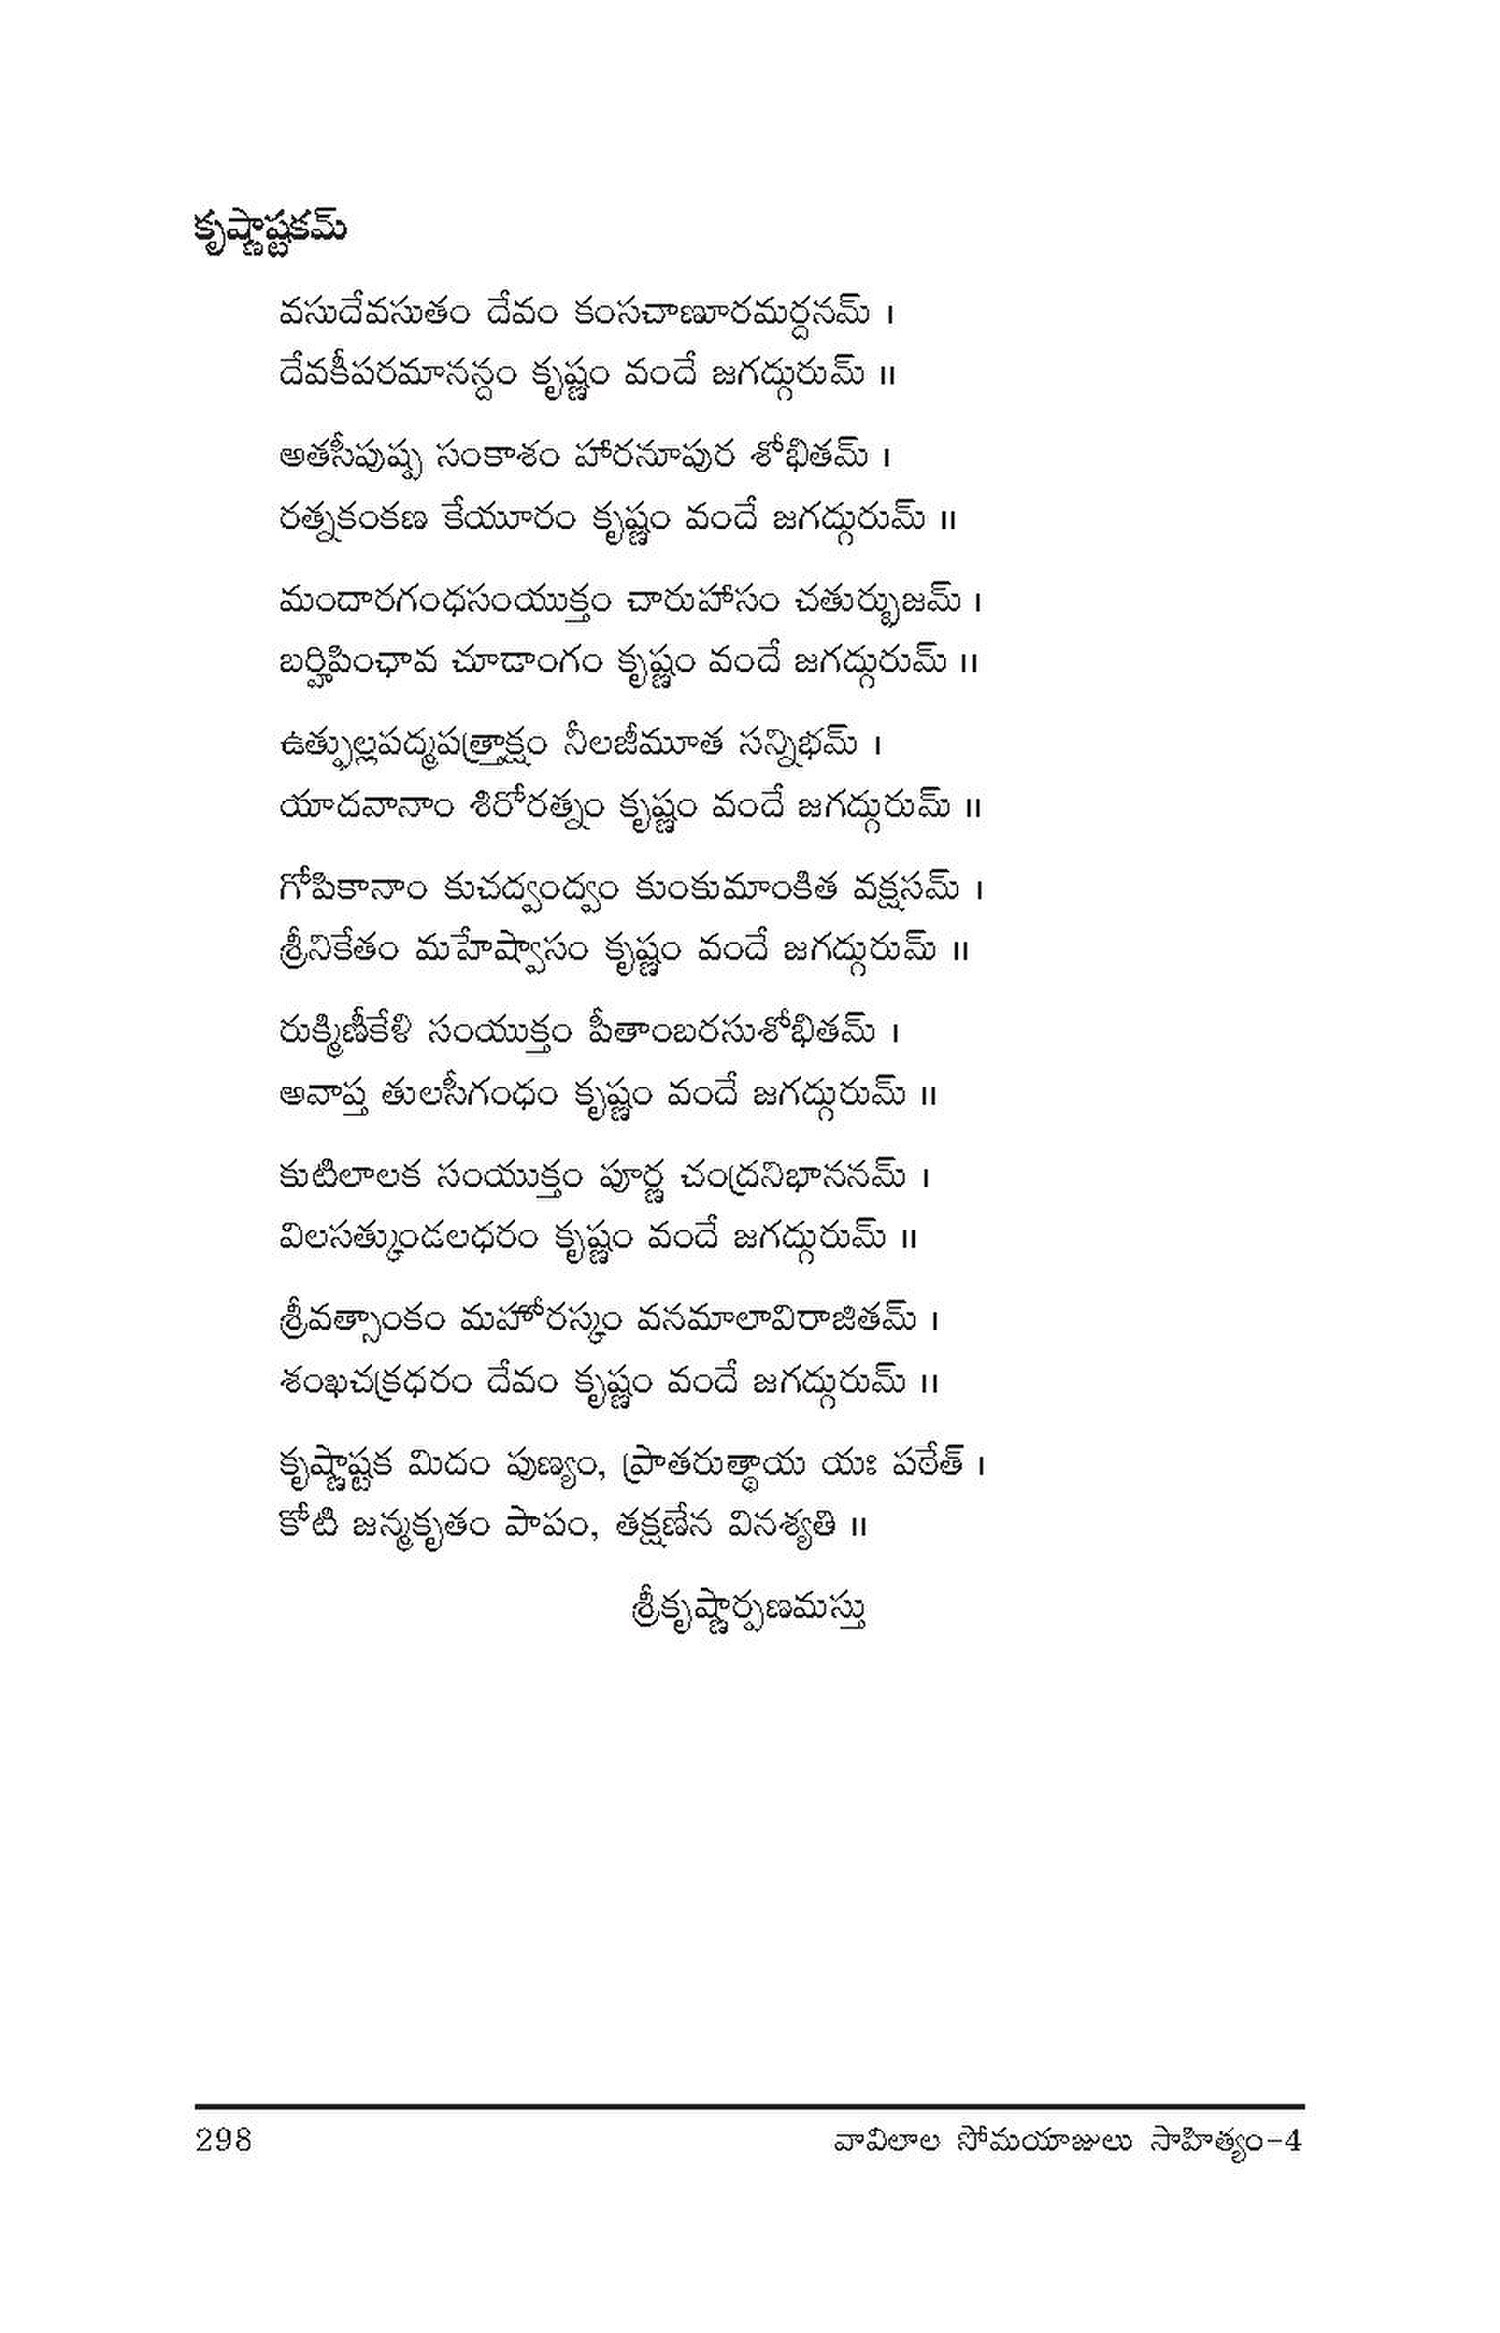కృష్ణాష్టకమ్

 వసుదేవసుతం దేవం కంసచాణూరమర్దనమ్ ।
దేవకీపరమానన్దం కృష్ణం వందే జగద్గురుమ్ ॥

అతసీపుష్ప సంకాశం హారనూపుర శోభితమ్ ।
రత్నకంకణ కేయూరం కృష్ణం వందే జగద్గురుమ్ ।।

మందారగంధసంయుక్తం చారుహాసం చతుర్భుజమ్।
బర్హిపింఛావ చూడాంగం కృష్ణం వందే జగద్గురుమ్।।

ఉత్ఫుల్లపద్మపత్రాక్షం నీలజీమూత సన్నిభమ్ ।
యాదవానాం శిరోరత్నం కృష్ణం వందే జగద్గురుమ్।।

గోపికానాం కుచద్వంద్వం కుంకుమాంకిత వక్షసమ్ ।
శ్రీనికేతం మహేష్వాసం కృష్ణం వందే జగద్గురుమ్ ॥

రుక్మిణీకేళి సంయుక్తం పీతాంబరసుశోభితమ్ ।
అవాప్త తులసీగంధం కృష్ణం వందే జగద్గురుమ్ ।।

కుటిలాలక సంయుక్తం పూర్ణ చంద్రనిభాననమ్ ।
విలసత్కుండలధరం కృష్ణం వందే జగద్గురుమ్।।

శ్రీవత్సాంకం మహోరస్కం వనమాలావిరాజితమ్ ।
శంఖచక్రధరం దేవం కృష్ణం వందే జగద్గురుమ్ ।।

కృష్ణాష్టక మిదం పుణ్యం, ప్రాతరుత్థాయ యః పఠేత్ ।
కోటి జన్మకృతం పాపం, తక్షణేన వినశ్యతి ॥